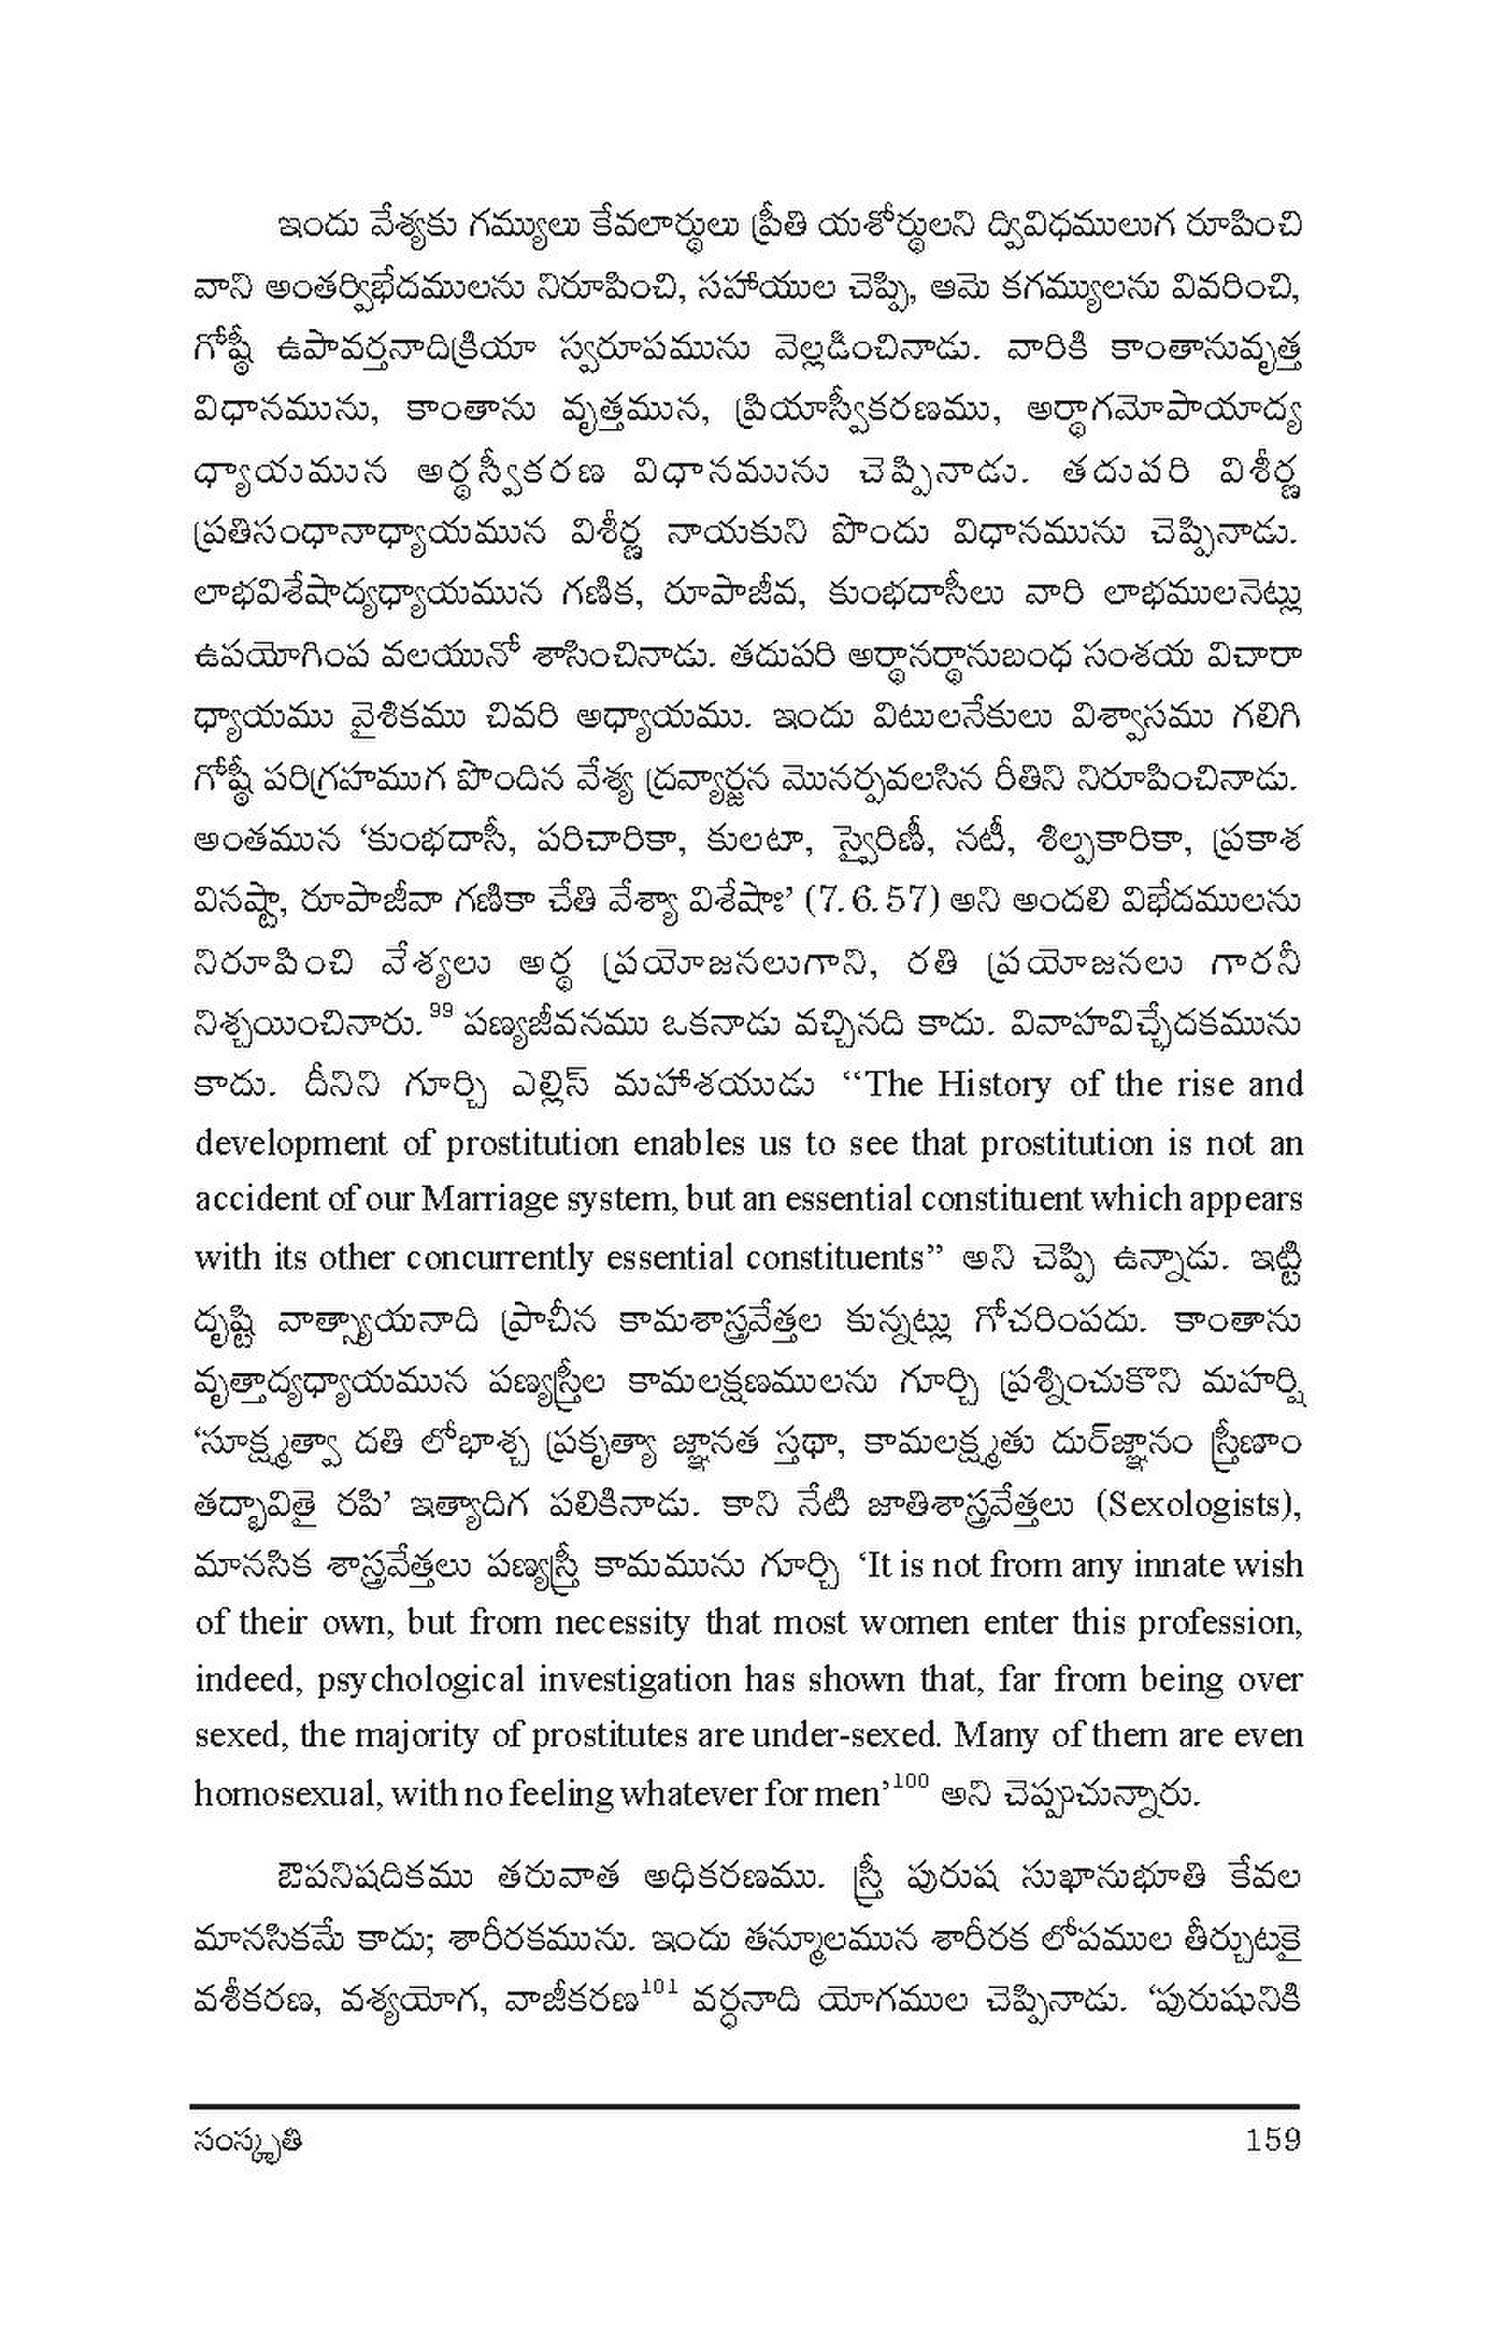ఇందు వేశ్యకు గమ్యులు కేవలార్థులు ప్రీతి యశోర్థులని ద్వివిధములుగ రూపించి
వాని అంతర్విభేదములను నిరూపించి, సహాయుల చెప్పి, ఆమె కగమ్యులను వివరించి,
గోష్ఠీ ఉపావర్తనాదిక్రియా స్వరూపమును వెల్లడించినాడు. వారికి కాంతానువృత్త
విధానమును, కాంతాను వృత్తమున, ప్రియాస్వీకరణము, అర్థాగమోపాయాద్య
ధ్యాయమున అర్థస్వీకరణ విధానమును చెప్పినాడు. తదువరి విశీర్ణ
ప్రతిసంధానాధ్యాయమున విశీర్ణ నాయకుని పొందు విధానమును చెప్పినాడు.
లాభవిశేషాద్యధ్యాయమున గణిక, రూపాజీవ, కుంభదాసీలు వారి లాభములనెట్లు
ఉపయోగింప వలయునో శాసించినాడు. తదుపరి అర్థానర్థానుబంధ సంశయ విచారా
ధ్యాయము వైశికము చివరి అధ్యాయము. ఇందు విటులనేకులు విశ్వాసము గలిగి
గోష్ఠీ పరిగ్రహముగ పొందిన వేశ్య ద్రవ్యార్జన మొనర్పవలసిన రీతిని నిరూపించినాడు.
అంతమున 'కుంభదాసీ, పరిచారికా, కులటా, స్వైరిణీ, నటీ, శిల్పకారికా, ప్రకాశ
వినష్టా, రూపాజీవా గణికా చేతి వేశ్యా విశేషాః (7.6.57) అని అందలి విభేదములను
నిరూపించి వేశ్యలు అర్థ ప్రయోజనలుగాని, రతి ప్రయోజనలు గారనీ
నిశ్చయించినారు. పణ్యజీవనము ఒకనాడు వచ్చినది కాదు. వివాహవిచ్ఛేదకమును
కాదు. దీనిని గూర్చి ఎల్లిస్ మహాశయుడు “The History of the rise and
development of prostitution enables us to see that prostitution is not an
accident of our Marriage system, but an essential constituent which appears
with its other concurrently essential constituents" అని చెప్పి ఉన్నాడు. ఇట్టి
దృష్టి వాత్స్యాయనాది ప్రాచీన కామశాస్త్రవేత్తల కున్నట్లు గోచరింపదు. కాంతాను
వృత్తాద్యధ్యాయమున పణ్యస్త్రీల కామలక్షణములను గూర్చి ప్రశ్నించుకొని మహర్షి
'సూక్ష్మత్వా దతి లోభాశ్చ ప్రకృత్యా జ్ఞానత స్తథా, కామలక్ష్మతు దుర్ ఙ్ఞానం స్త్రీణాం
తద్భావితై రపి' ఇత్యాదిగ పలికినాడు. కాని నేటి జాతిశాస్త్రవేత్తలు (Sexologists),
మానసిక శాస్త్ర వేత్తలు పణ్యస్త్రీ కామమును గూర్చి 'It is not from any innate wish
of their own, but from necessity that most women enter this profession,
indeed, psychological investigation has shown that, far from being over
sexed, the majority of prostitutes are under-sexed. Many of them are even
homosexual, with no feeling whatever for men' అని చెప్పుచున్నారు.

ఔపనిషదికము తరువాత అధికరణము. స్త్రీ పురుష సుఖానుభూతి కేవల
మానసికమే కాదు; శారీరకమును. ఇందు తన్మూలమున శారీరక లోపముల తీర్చుటకై
వశీకరణ, వశ్యయోగ, వాజీకరణ వర్ధనాది యోగములు చెప్పినాడు. 'పురుషునికి